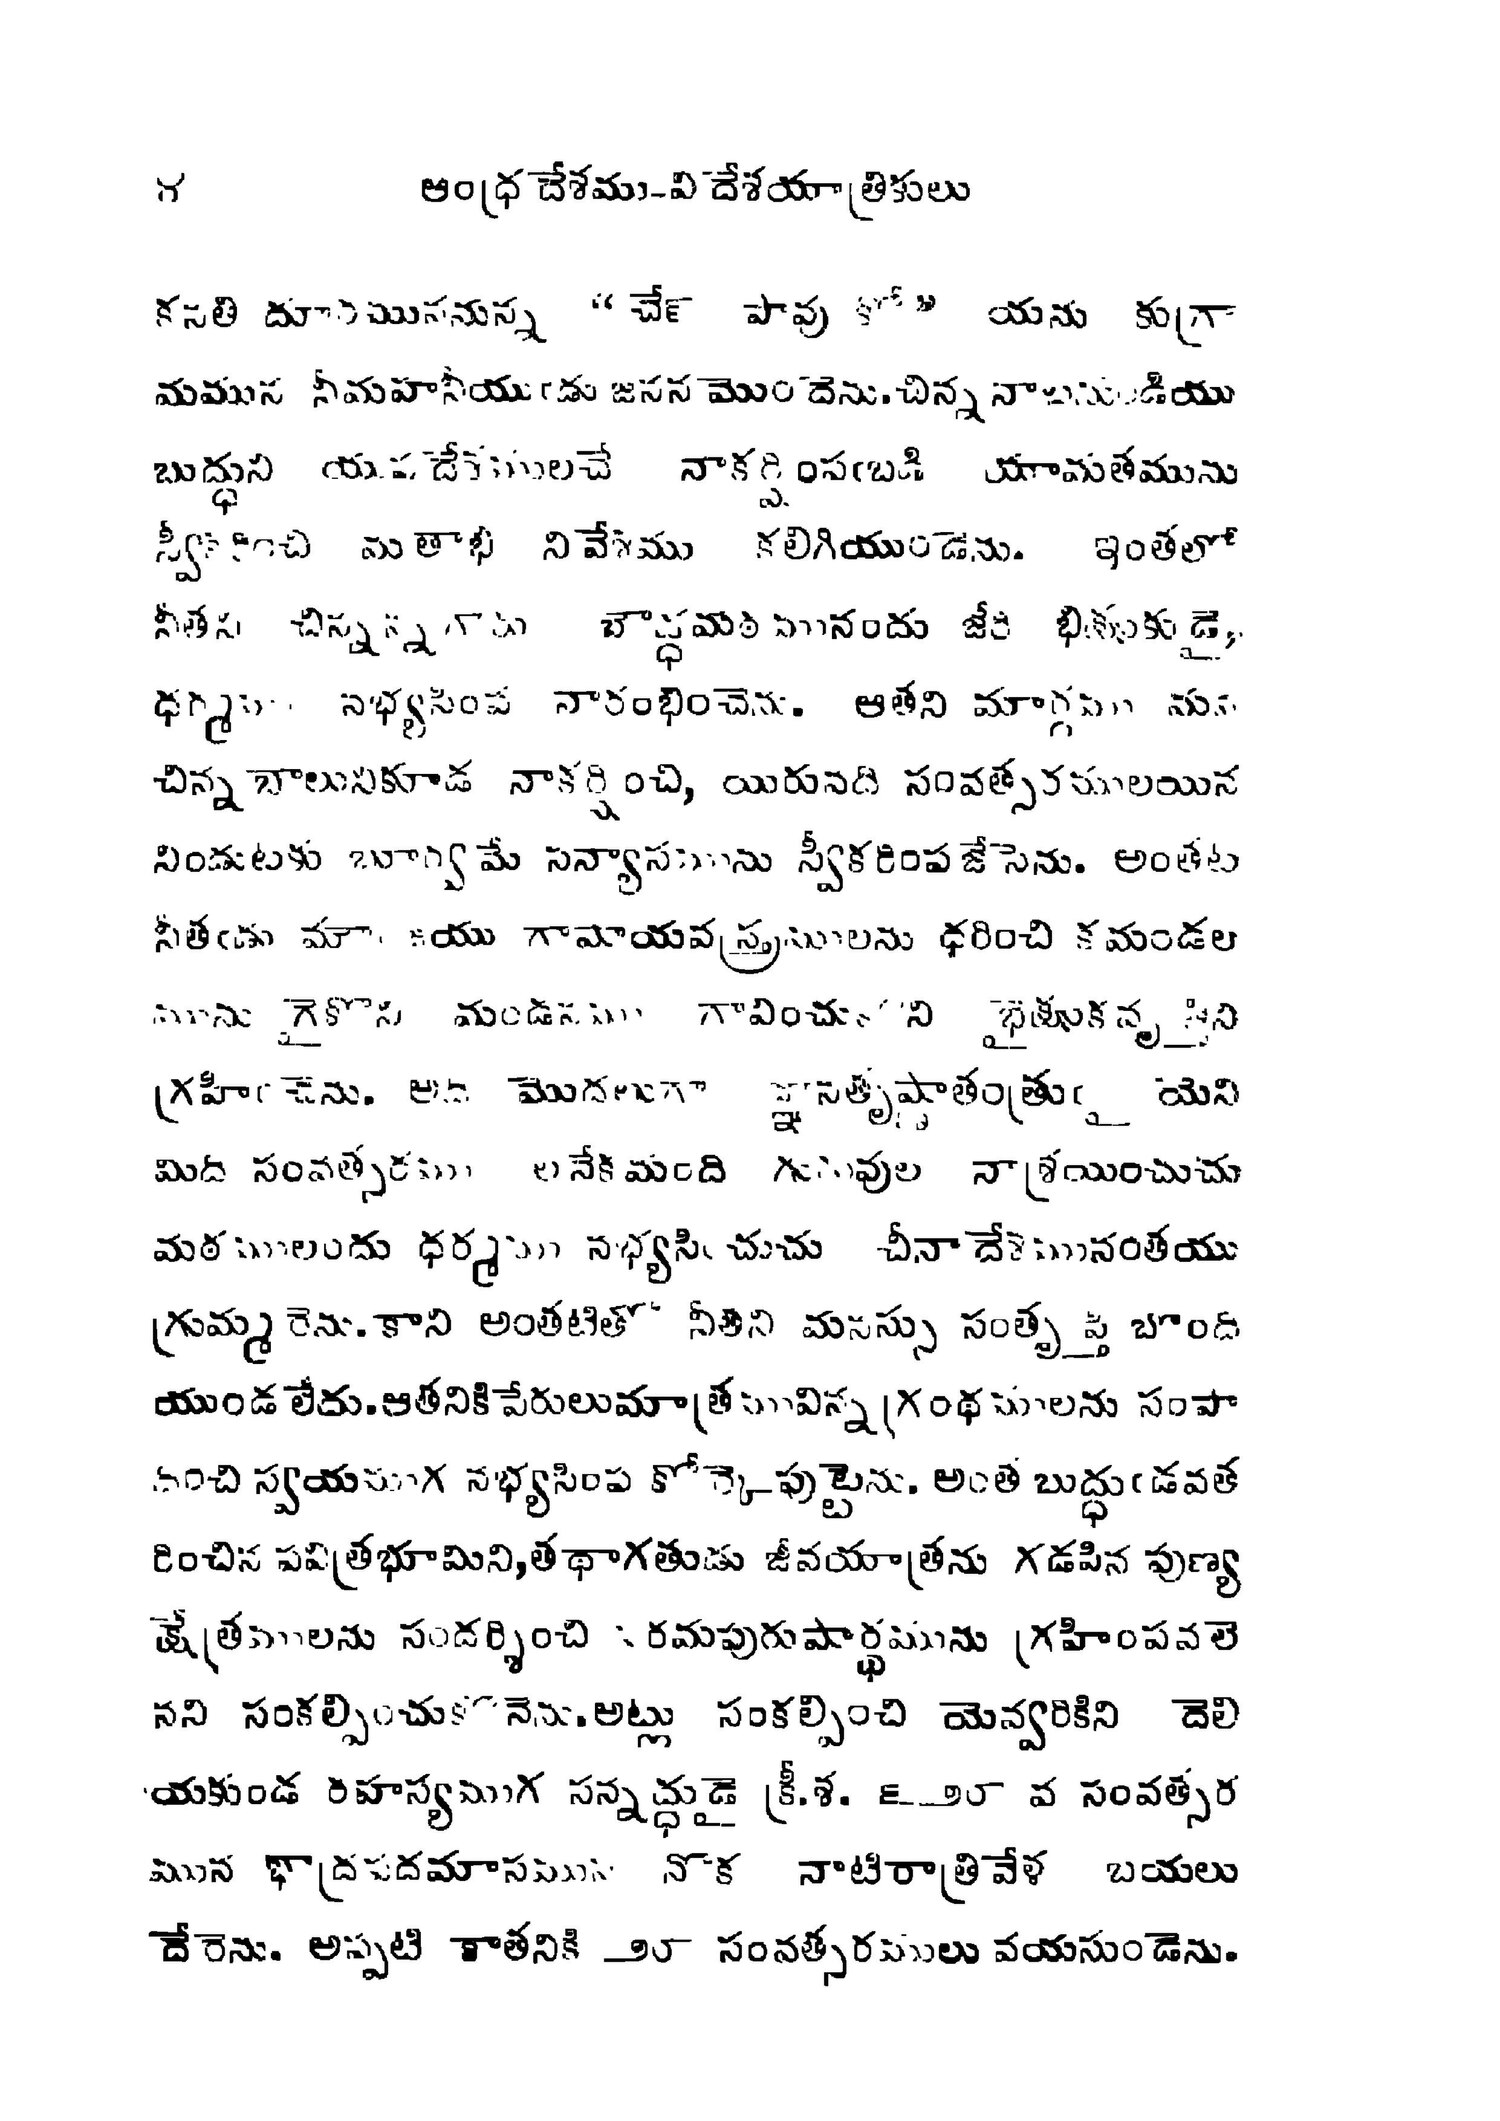కనతి దూరముననున్న "చేౝ పావు కో" యను కుగ్రామమున నీమహానీయుడు జననమొందెను. చిన్ననాటి నుండియు బుద్ధుని యుపదేశములచే నాకర్షింపబడి యామతమును స్వీకరించి మతాభినివేశము కలిగియుండెను. ఇంతలో నీతని చిన్నన్నగారు బౌద్ధమఠమునందుజేరి భిక్షుకుడై, ధర్మము నభ్యసింప నారంభించెను. అతని మార్గము మన చిన్న బాలునికూడ నాకర్షించి, యిరువది సంవత్సరములయిన నిండుటకు పూర్వమే సన్యాసమును స్వీకరింప జేసెను. అంతట నీతఁడు మౌజయు గాషాయవస్త్రములను ధరించి కమండలమును గైకొని మండనము గావించుకొని భైక్షుకవృత్తిని గ్రహించెను. అది మొదలుగా జ్ఞానతృష్ణాతంత్రడై యెనిమిది సంవత్సరము లనేకమంది గురువుల నాశ్రయించుచు మఠములందు ధర్మము నభ్యసించుచు చీనాదేశమునంతయు గ్రుమ్మరెను. కాని అంతటితో నీతిని మనస్సు సంతృప్తి బొంది యుండలేదు. అతనికి పేరులు మాత్రము విన్న గ్రంథములను సంపాదించి స్వయముగ నభ్యసింప కోర్కెపుట్టెను. అంత బుద్ధుఁడవతరించిన పవిత్రభూమిని, తథాగతుడు జీవయాత్రని గడపిన పుణ్యక్షేత్రములను సందర్శించి పరమపురుషార్థమును గ్రహింపవలెనని సంకల్పించుకొనెను. అట్లు సంకల్పించి యెవ్వరికీ దెలియకుండ రహస్యముగ సన్నద్ధుడై క్రీ. శ. ౬౨౮ వ సంవత్సరమున భాద్రపద మాసమున నొకనాటి రాత్రివేళ బయలుదేరెను. అప్పటికాతనికి ౨౮ సంవత్సరములు వయసుండెను.